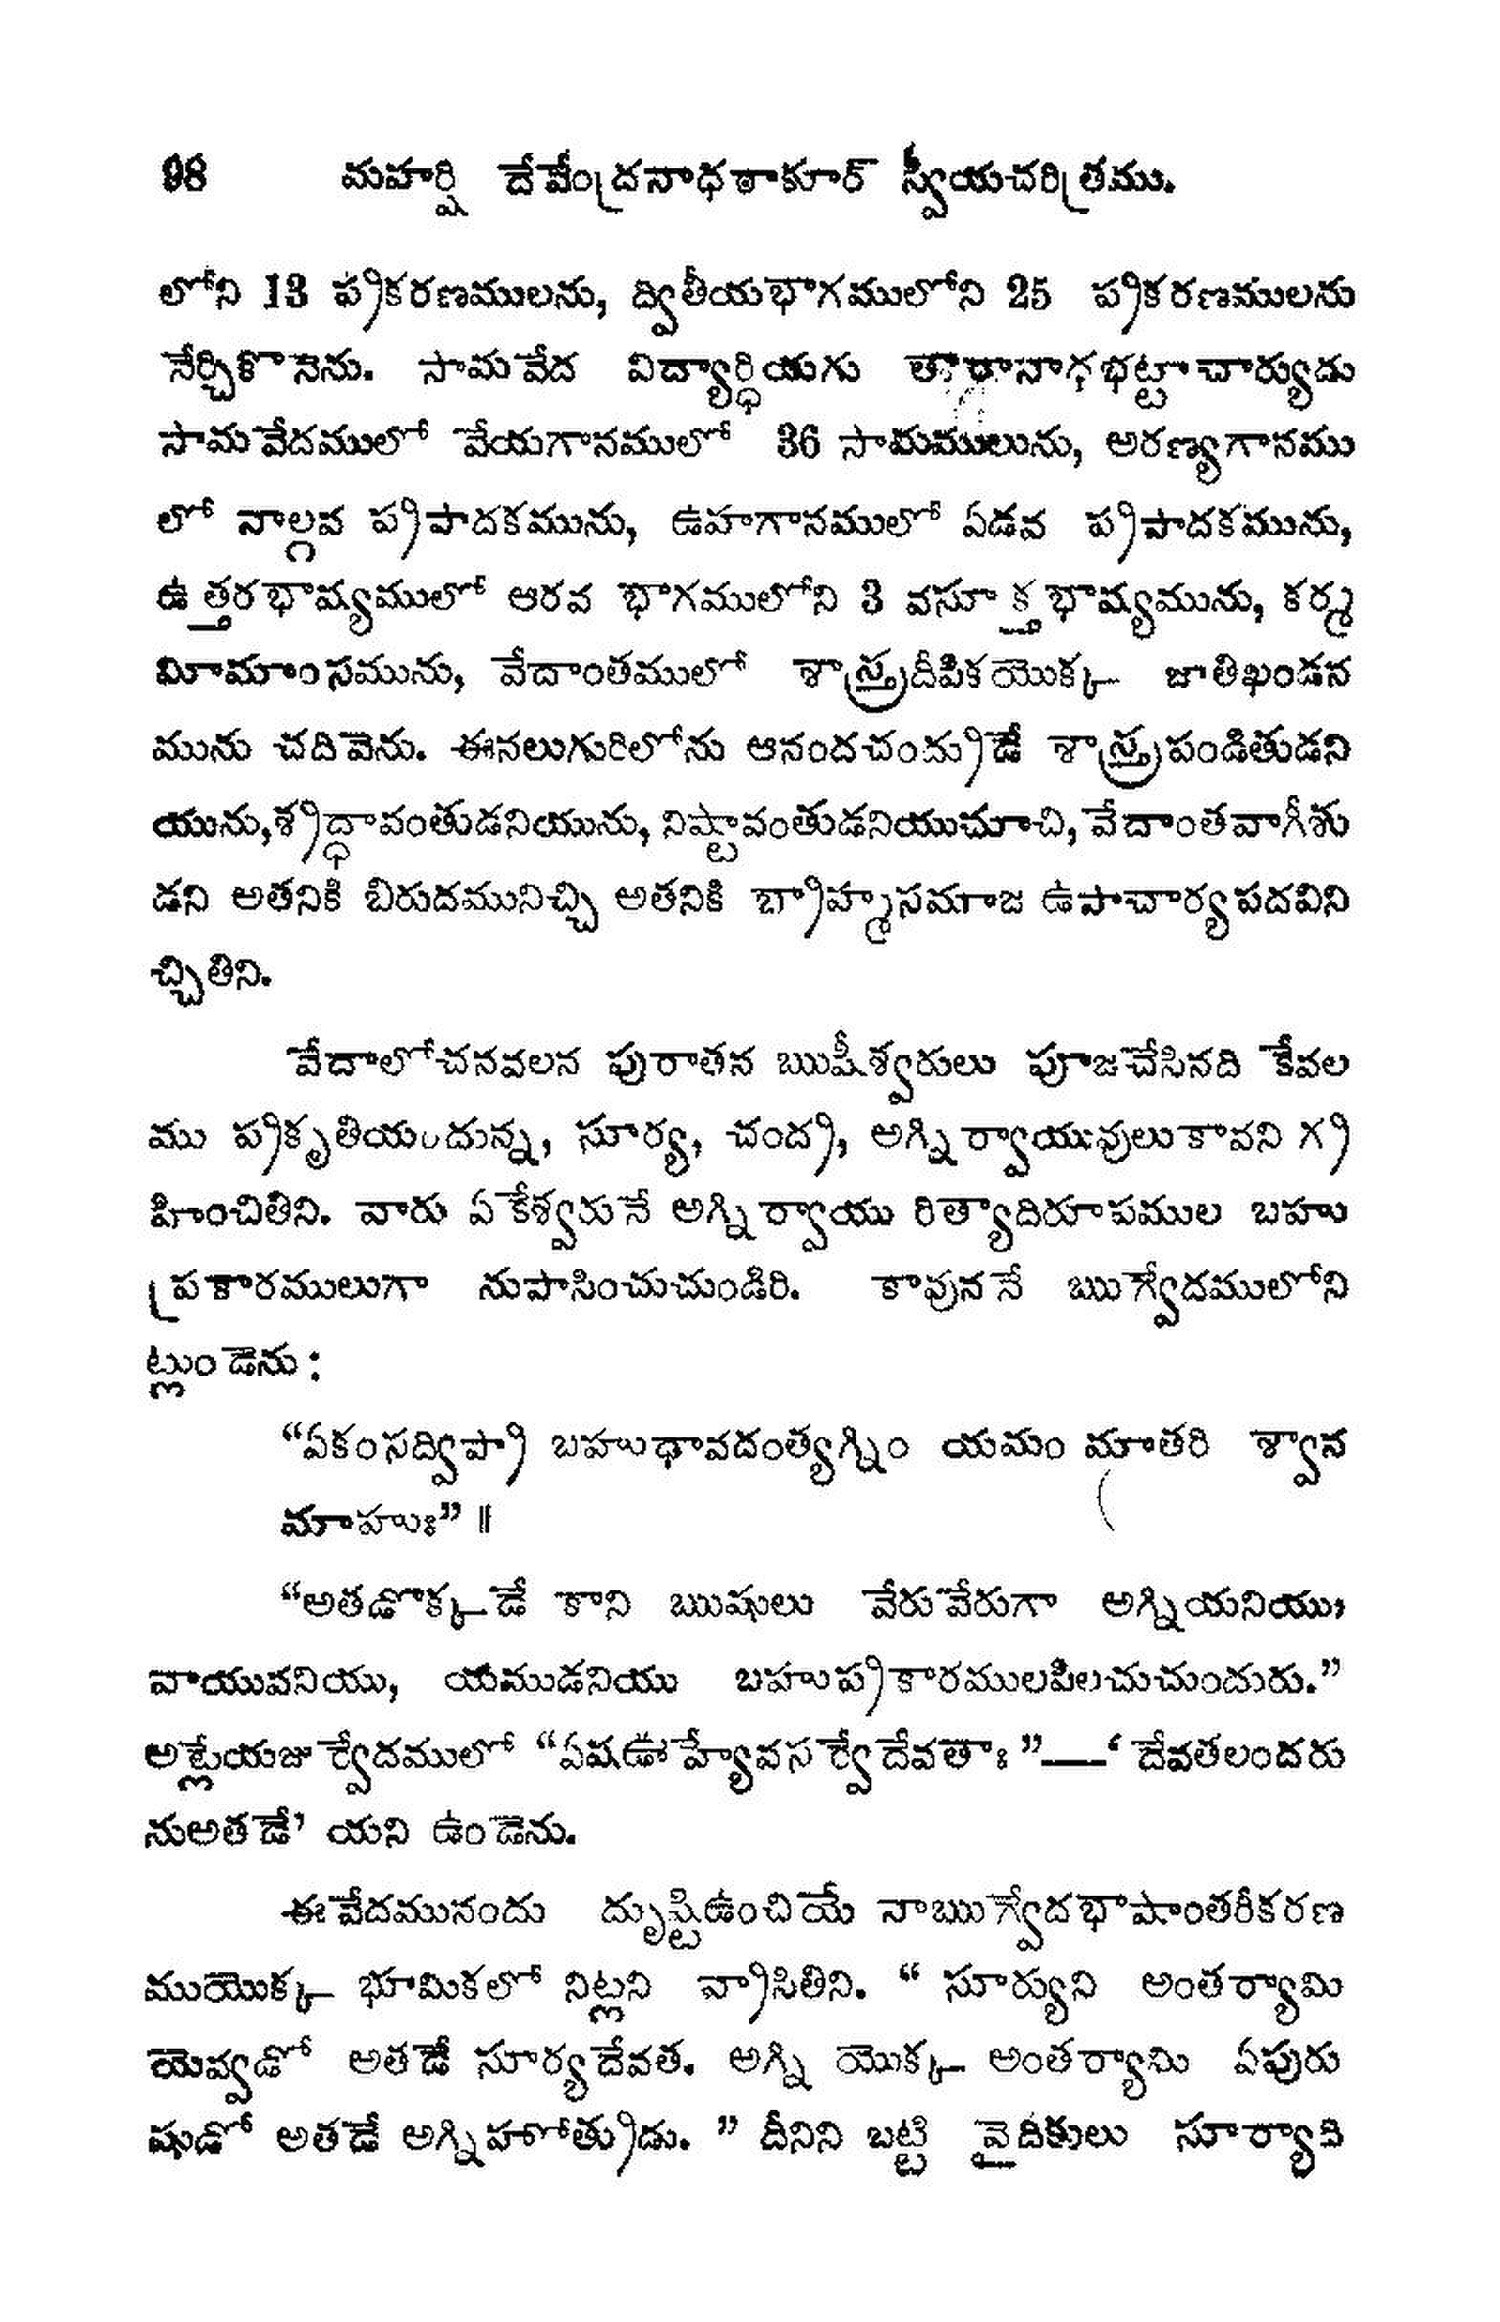లోని 13 ప్రకరణములను, ద్వితీయ భాగములోని 25 ప్రకరణములను
నేర్చికొనెను. సామ వేద విద్యార్ధియగు తారానాగ భట్టాచార్యుడు
సామ వేదములో "వేయగానములో 86 సామములును, అరణ్యగానము
నాల్గవ ప్రపాదకమును, ఉహగానములో పడవ ప్రపాదకమును,
ఉత్తర భాష్యములో ఆరవ భాగములోని శ్రీ వసూక్త భాష్యమును, 
కర్మమీమాంసమును, వేదాంతములో శాస్త్ర దీపిక యొక్క 
జూతి ఖండనమును చదివెను. ఈ నలుగురిలోను ఆనంద
చంద్రుడే శాస్త్ర పండితుడనియును, శ్రద్ధావంతుడనియును, 
నిష్టావంతుడనియు చూచి, వేదాంతవాగీశుడని అతనికి 
బిరుదమునిచ్చి అతనికి బాహ్మసమాజ ఉపాచార్య పదవిని
చ్చితిని.

వేదాలోచనవలన పురాతన ఋషీశ్వరులు పూజ చేసినది కేవలము
ప్రకృతియందున్న, సూర్య, చంద్ర, అగ్ని ర్వాయువులు కావని 
గ్రహించితిని. వారు ఏకేశ్వరునే అగ్నిర్వాయు రిత్యాదిరూపముల 
బహుప్రకారములుగా నుపాసించు చుండిరి. కావుననే ఋగ్వేదము
లోనిట్లుండెను;

“ఏకం సద్విప్రాబహు ధావదంత్యగ్నిం యమం మాతరి శ్వాస
మాహ్యు” ||

"అతడొక్కడే కాని ఋషులు వేరు వేరుగా అగ్నియనియు,
వాయువనియు, యముడనియు బహుప్రకారముల పిలచు 
చుందురు.”అట్లే యజుర్వేదములో “ఏషఊ హ్యేవసర్వే దేవతాః " _ 
దేవతలందరును అతడే' యని ఉండెను.

ఈ వేదమునందు దృష్టి ఉంచియే నాఋగ్వేద భాషాంతరీకరణ
ముయొక్క భూమికలో నిట్లనీ వ్రాసితిని. " సూర్యుని అంతర్యామి
యెవ్వడో అతడే సూర్య దేవత. అగ్ని యొక్క అంతర్యామి ఏపురు
షుడో అతడే అగ్నిహోత్రుడు. ” దీనిని బట్టి వైదికులు సూర్యాది